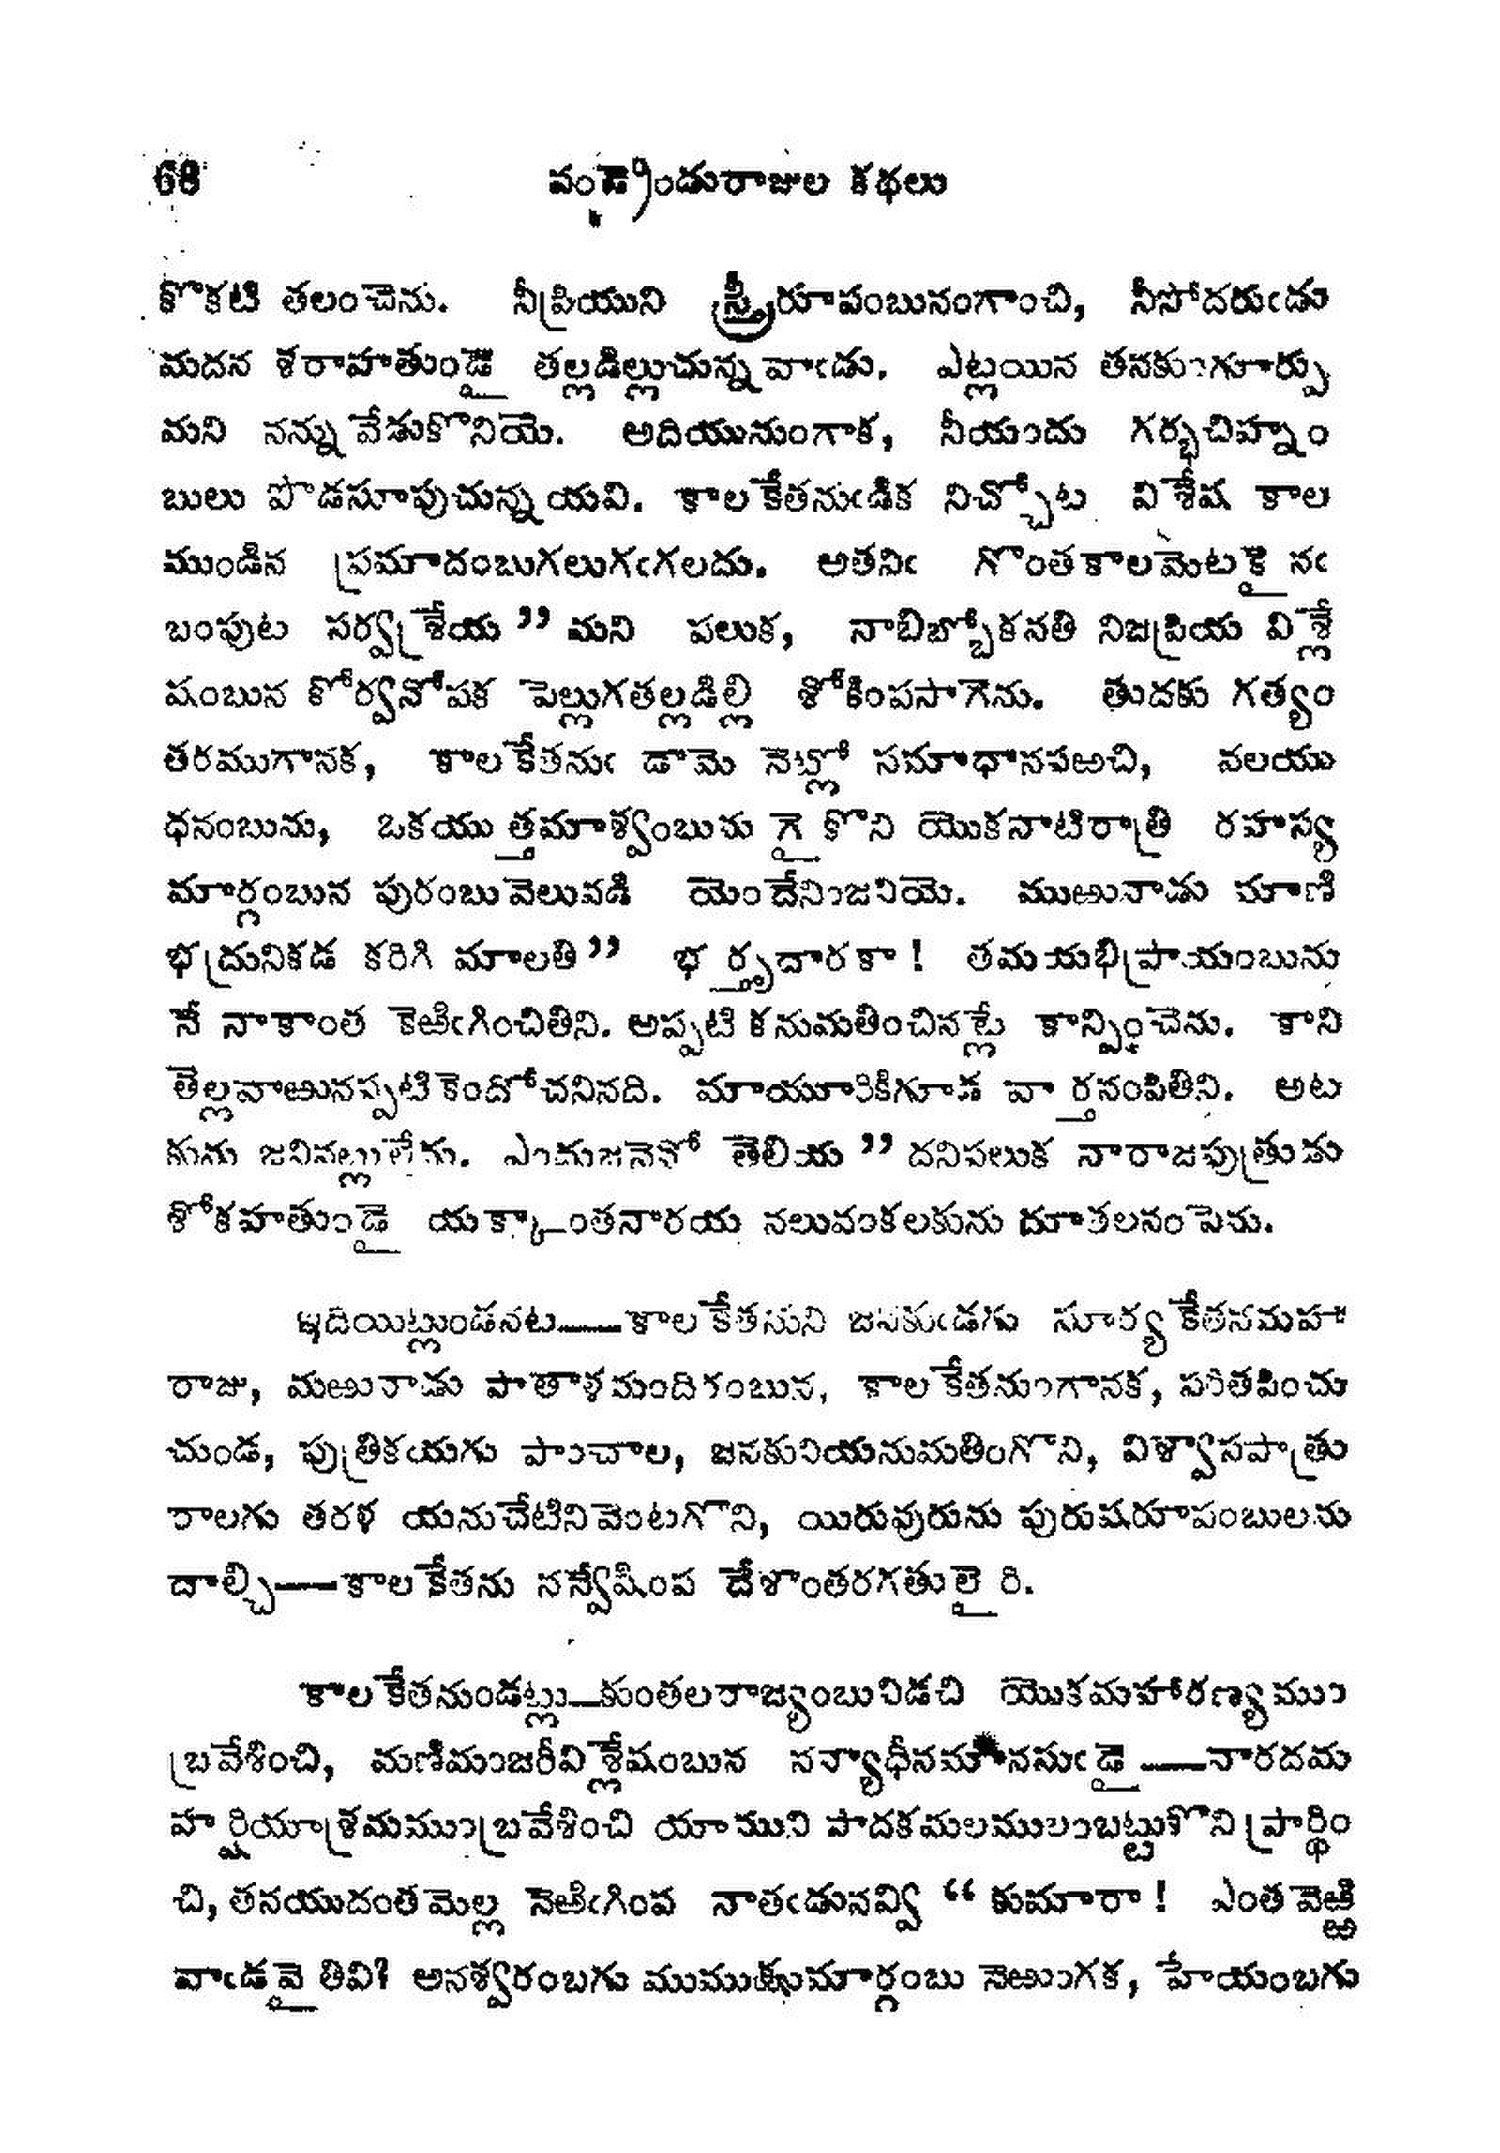కొకటి తలంచెను. నీప్రియుని స్త్రీ రూపంబునంగాంచి, నీసోదరుఁడు మదన శరాహతుండై తల్లడిల్లుచున్న వాఁడు, ఎట్లయిన తనకుంగూర్పుమని నన్ను వేడుకొనియె. అదియునుంగాక, నీయందు గర్భచిహ్నంబులు పొడసూపుచున్నయవి. కాల కేతనుఁడిక నిచ్చోట విశేష కాలముండిన ప్రమాదంబుగలుగఁగలదు. అతనిఁ గొంతకాలమెటకైనఁ బంపుట సర్వ శ్రేయ ” మని పలుక, నాబిబ్బోక నతి నిజప్రియ విశ్లేషంబున కోర్వనోపక పెల్లుగతల్లడిల్లి శోకింపసాగెను. తుదకు గత్యంతరముగానక, కాల కేతనుఁ డామె నెట్లో సమాధానపఱచి, వలయు ధనంబును, ఒకయుత్తమాశ్వంబును గైకొని యొకనాటి రాత్రి రహస్య
మార్గంబున పురంబు వెలువడి యెందేనింజనియె.మఱునాడు మాణి భద్రునికడ కరిగి మాలతి” భర్తృదారకా ! తమ యభిప్రాయంబును నే నాకాంత కెఱిఁగించితిని. అప్పటి కనుమతించినట్లే కాన్పించెను. కాని తెల్లవాఱునప్పటి కేందో చనినది. మాయూరికి గూక వార్తనంపితిని. అటకును జనినట్లు లేదు. ఎందుజనెనో తెలియ ” దనిపలుక నారాజపుత్రుడు
శోభహతుండై యక్కాంతనారయ నలువంకలకును దూతలనంపెను.

ఇదియిట్లుండనట—— కాల కేతనుని జనకుఁడగు సూర్య కేతనమహారాజు, మఱునాడు పాతాళమందిరంబున, కాల కేతనుంగానక, పరితపించు చుండ, పుత్రిక యగు పాంచాల, జసకునియనుమతింగొని, విశ్వాసపాత్రురాలగు తరళ యనుచేటిని వెంటగొని, యిరువురును పురుషరూపంబులను దాల్చి——కాలకేతను నన్వేషింప దేశాంతరగతులైరి.

కాలకేతనుండట్లు——కుంతల రాజ్యంబు విడచి యొక మహారణ్యముం బ్రవేశించి, మణిమంజరీ విశ్లేషంబున నన్యాధీనమనసుఁడై——నారదమహర్షియాశ్రమము బ్రవేశించి యాముని పాదకమలముల బట్టుకొని ప్రార్థించి, తనయుదంత మెల్ల నెఱిఁగింప నాతఁడునవ్వి " కుమారా ! ఎంత వెఱ్ఱివాఁడవైతివి? అనశ్వరంబగు ముముక్షు మార్గంబు నెఱుంగక, హేయంబగు